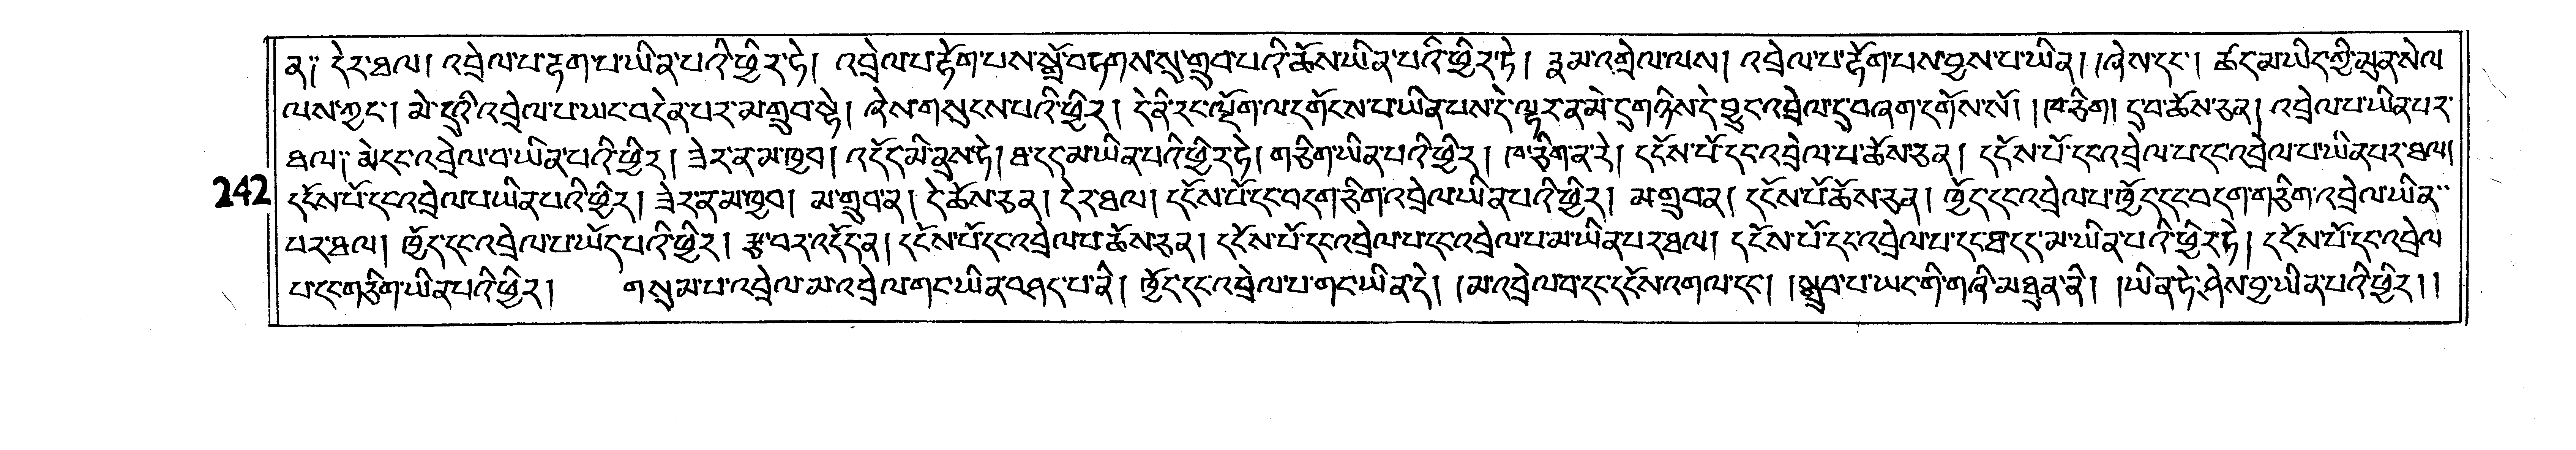ན༑ དེར་ཐལ། འབྲེལ་པ་རྟག་པ་ཡིན་པའི་ཕྱིར་ཏེ། འབྲེལ་པ་རྟོག་པས་སྒྲོ་བཏགས་སུ་གྲུབ་པའི་ཆོས་ཡིན་པའི་ཕྱིར་ཏེ། རྣམ་འགྲེལ་ལས། འབྲེལ་པ་རྟོག་པས་བྱས་པ་ཡིན། །ཞེས་དང་། ཚད་མ་ཡིད་ཀྱི་མུན་སེལ་
ལས་ཀྱང་། མེ་དུའི་འབྲེལ་པ་ཡང་བདེན་པར་མ་གྲུབ་སྟེ། ཞེས་གསུངས་པའི་ཕྱིར། དེ་ནི་རང་ལྡོག་ལ་དགོངས་པ་ཡིན་པས་དེ་ལྟར་ན་མེ་དུ་གཉིས་དེ་བྱུང་འབྲེལ་དུ་བཞག་དགོས་སོ། །ཁ་ཅིག། དུ་བ་ཆོས་ཅན། འབྲེལ་པ་ཡིན་པར་
ཐལ༑ མེ་དང་འབྲེལ་བ་ཡིན་པའི་ཕྱིར། ཟེར་ན་མ་ཁྱབ། འདོད་མི་ནུས་ཏེ། ཐ་དད་མ་ཡིན་པའི་ཕྱིར་ཏེ། གཅིག་ཡིན་པའི་ཕྱིར། ཁ་ཅིག་ན་རེ། དངོས་པོ་དང་འབྲེལ་པ་ཆོས་ཅན། དངོས་པོ་དང་འབྲེལ་པ་དང་འབྲེལ་པ་ཡིན་པར་ཐལ།
དངོས་པོ་དང་འབྲེལ་པ་ཡིན་པའི་ཕྱིར། ཟེར་ན་མ་ཁྱབ། མ་གྲུབ་ན། དེ་ཆོས་ཅན། དེར་ཐལ། དངོས་པོ་དང་བདག་ཅིག་འབྲེལ་ཡིན་པའི་ཕྱིར། མ་གྲུབ་ན། དངོས་པོ་ཆོས་ཅན། ཁྱོད་དང་འབྲེལ་པ་ཁྱོད་དང་བདག་གཅིག་འབྲེལ་ཡིན་
པར་ཐལ། ཁྱོད་དང་འབྲེལ་པ་ཡོད་པའི་ཕྱིར། རྩ་བར་འདོད་ན། དངོས་པོ་དང་འབྲེལ་པ་ཆོས་ཅན། དངོས་པོ་དང་འབྲེལ་པ་དང་འབྲེལ་པ་མ་ཡིན་པར་ཐལ། དངོས་པོ་དང་འབྲེལ་པ་དང་ཐ་དད་མ་ཡིན་པའི་ཕྱིར་ཏེ། དངོས་པོ་དང་འབྲེལ་
པ་དང་གཅིག་ཡིན་པའི་ཕྱིར། གསུམ་པ་འབྲེལ་མ་འབྲེལ་གང་ཡིན་བཤད་པ་ནི། ཁྱོད་དང་འབྲེལ་པ་གང་ཡིན་དེ། །མ་འབྲེལ་བ་དང་དངོས་འགལ་དང་། །སྒྲུབ་པ་ཡང་གི་གཞི་མཐུན་ནི། །ཡིན་ཏེ་ཤེས་བྱ་ཡིན་པའི་ཕྱིར། །